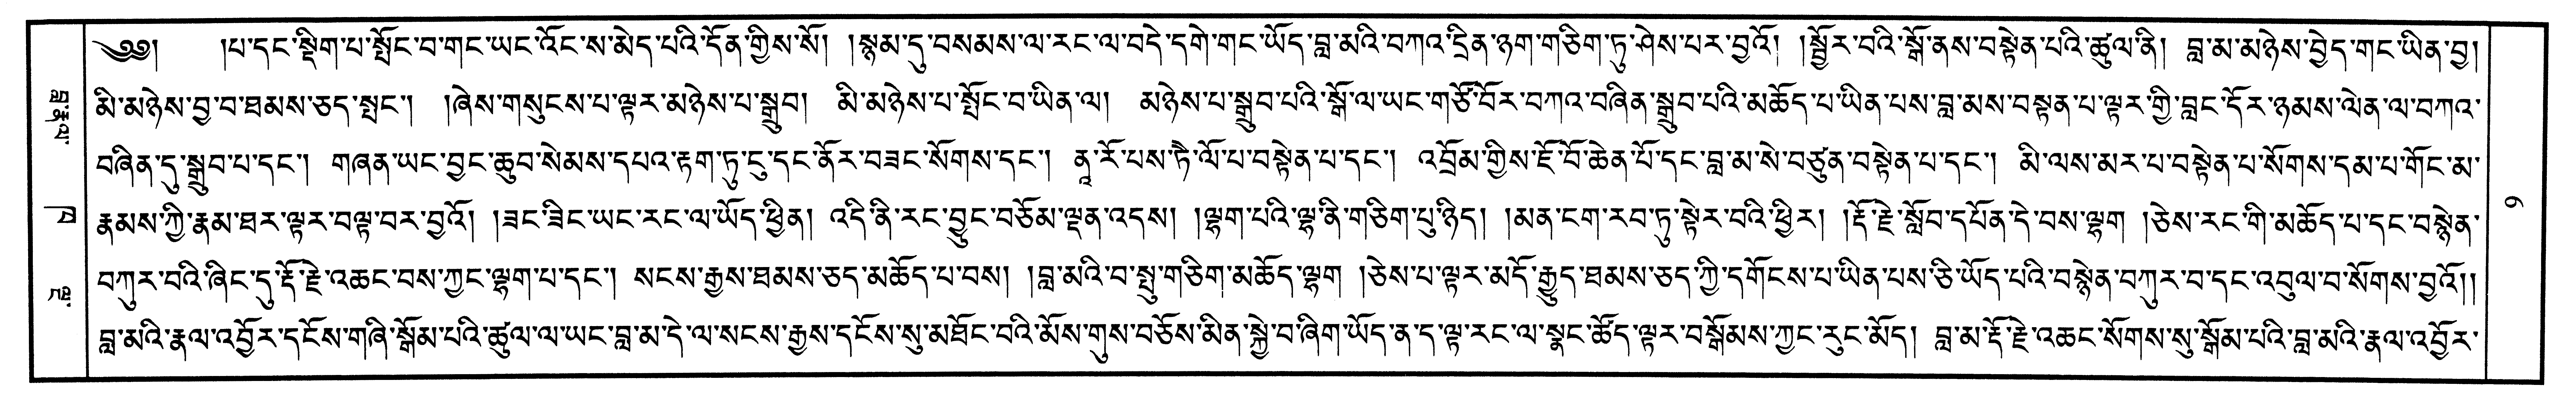༄༅། །པ་དང་སྡིག་པ་སྤོང་བ་གང་ཡང་འོང་ས་མེད་པའི་དོན་གྱིས་སོ། །སྙམ་དུ་བསམས་ལ་རང་ལ་བདེ་དགེ་གང་ཡོད་བླ་མའི་བཀའ་དྲིན་ཉག་གཅིག་ཏུ་ཤེས་པར་བྱའོ། །སྦྱོར་བའི་སྒོ་ནས་བསྟེན་པའི་ཚུལ་ནི། བླ་མ་མཉེས་བྱེད་གང་ཡིན་བྱ།
མི་མཉེས་བྱ་བ་ཐམས་ཅད་སྤང་། །ཞེས་གསུངས་པ་ལྟར་མཉེས་པ་སྒྲུབ། མི་མཉེས་པ་སྤོང་བ་ཡིན་ལ། མཉེས་པ་སྒྲུབ་པའི་སྒོ་ལ་ཡང་གཙོ་བོར་བཀའ་བཞིན་སྒྲུབ་པའི་མཆོད་པ་ཡིན་པས་བླ་མས་བསྟན་པ་ལྟར་གྱི་བླང་དོར་ཉམས་ལེན་ལ་བཀའ་
བཞིན་དུ་སྒྲུབ་པ་དང་། གཞན་ཡང་བྱང་ཆུབ་སེམས་དཔའ་རྟག་ཏུ་ངུ་དང་ནོར་བཟང་སོགས་དང་། ནཱ་རོ་པས་ཏཻ་ལོ་པ་བསྟེན་པ་དང་། འབྲོམ་གྱིས་ཇོ་བོ་ཆེན་པོ་དང་བླ་མ་སེ་བཙུན་བསྟེན་པ་དང་། མི་ལས་མར་པ་བསྟེན་པ་སོགས་དམ་པ་གོང་མ་
རྣམས་ཀྱི་རྣམ་ཐར་ལྟར་བལྟ་བར་བྱའོ། །ཟང་ཟིང་ཡང་རང་ལ་ཡོད་ཕྱིན། འདི་ནི་རང་བྱུང་བཅོམ་ལྡན་འདས། །ལྷག་པའི་ལྷ་ནི་གཅིག་པུ་ཉིད། །མན་ངག་རབ་ཏུ་སྟེར་བའི་ཕྱིར། །རྡོ་རྗེ་སློབ་དཔོན་དེ་བས་ལྷག །ཅེས་རང་གི་མཆོད་པ་དང་བསྙེན་
བཀུར་བའི་ཞིང་དུ་རྡོ་རྗེ་འཆང་བས་ཀྱང་ལྷག་པ་དང་། སངས་རྒྱས་ཐམས་ཅད་མཆོད་པ་བས། ། བླ་མའི་བ་སྤུ་གཅིག་མཆོད་ལྷག །ཅེས་པ་ལར་མདོ་རྒྱུད་ཐམས་ཅད་ཀྱི་དགོངས་པ་ཡིན་པས་ཅི་ཡོད་པའི་བསྙེན་བཀུར་བ་དང་འབུལ་བ་སོགས་བྱའོ།།
བླ་མའི་རྣལ་འབྱོར་དངོས་གཞི་སྒོམ་པའི་ཚུལ་ལ་ཡང་བླ་མ་དེ་ལ་སངས་རྒྱས་དངོས་སུ་མཐོང་བའི་མོས་གུས་བཅོས་མིན་སྐྱེ་བ་ཞིག་ཡོད་ན་ད་ལྟ་རང་ལ་སྣང་ཚོད་ལྟར་བསྒོམས་ཀྱང་རུང་མོད། བླ་མ་རྡོ་རྗེ་འཆང་སོགས་སུ་སྒོམ་པའི་བླ་མའི་རྣལ་འབྱོར་